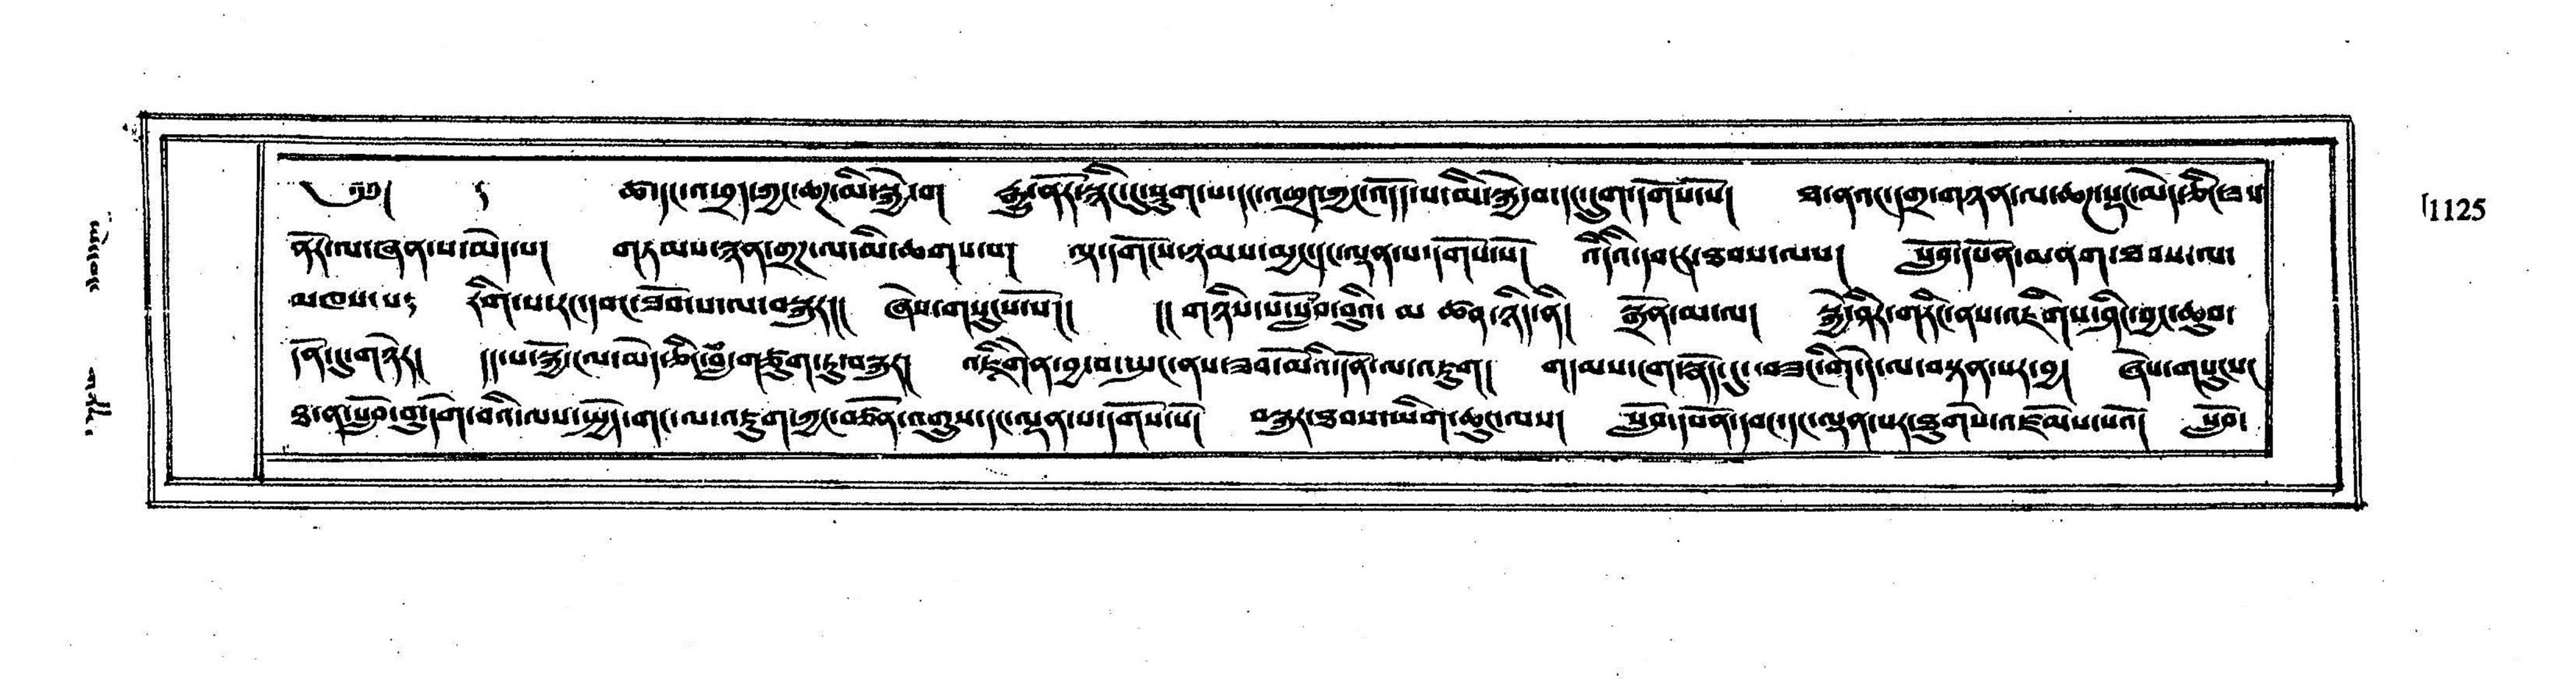ཚ་དང་འཕྲད་ཀྱང་ཆགས་པ་མི་སྐྱེ་བ། རྒྱུ་ནོར་སྙིང་དུ་སྡུག་པ་དང་འཕྲད་ཀྱང་འདོད་པ་མི་སྐྱེ་བ་དང་དྲུག་དགོས་སོ། ཐ་ནའང་དགྲ་གཉན་ལ་ཆགས་སྡང་མེད་ཅིང་ཟས་
ནོར་ལ་ཞེན་པ་མེད་པ། གཏམ་སྙན་གྲགས་ལ་མི་ཆགས་པ། ལྟ་དགོངས་ཉམས་མྱོང་དང་ལྡན་པ་དགོས་སོ། འདིའི་དབང་བསྐུར་ཐབས་ལས། སློབ་དཔོན་མན་ངག་ཐབས་ལ་
མཁས་པ། རིག་པ་རང་དབང་ཐོབ་པ་ལ་བསྐུར།། ཞེས་གསུངས་སོ།། །།གཉིས་པ་སློབ་བུའི་མཚན་ཉིད་ནི། སྒྲོན་མ་ལས། སྐྱེ་ཤིར་གཏིང་ནས་འཇིགས་ཤིང་བྱང་ཆུབ་
དོན་དུ་གཉེར། དད་པ་སྐྱོ་ངལ་མེད་ཅིང་བླ་མ་གཙུག་ཏུ་བཀུར། འཇིག་རྟེན་བྱ་བ་སྤང་ནས་ཟབ་མོའི་དོན་ལ་འཇུག གདམས་ངག་སྣོད་དུ་བཟང་གི་དེ་ལ་བསྟན་པར་བྱ། ཞེས་གསུངས། 
ཐ་ན་སློབ་བུ་དགེ་བའི་ལས་སྤྱོད་གང་ལ་འཇུག་ཀྱང་བརྩོན་འགྲུས་དང་ལྡན་པ་དགོས་སོ། །བསྐུར་ཐབས་ཡིག་ཆུང་ལས། སློབ་དཔོན་དབང་དང་ལྡན་པར་ཐུགས་རྗེ་འཛོམས་པའོ། སློབ་མ་